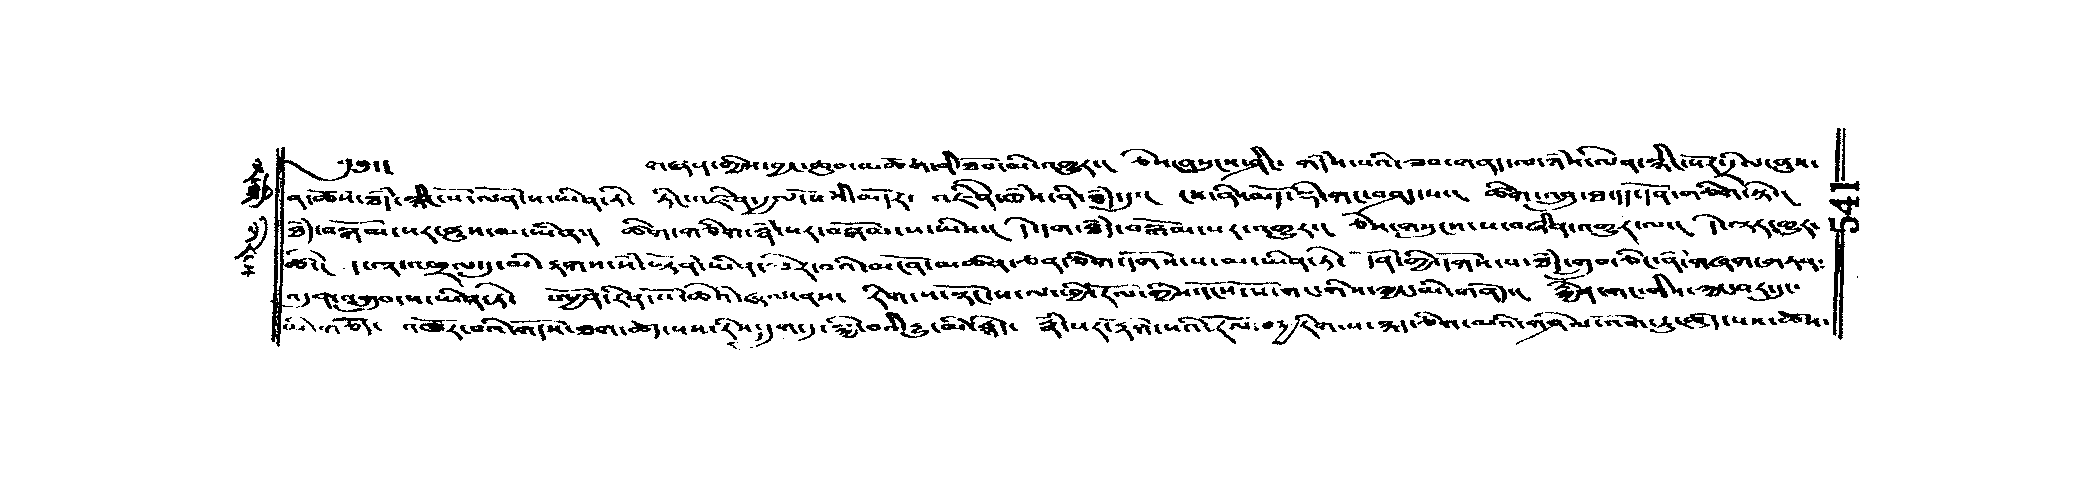།གཞན་གྱིས་བྱང་ཆུབ་མཆོག་ནི་ཐོབ་མི་འགྱུར། ཅེས་གསུངས་ཤིང་། གདམས་པའི་ཟབ་གནད་ལ་ཉམས་ལེན་སྙིང་པོར་དྲིལ་ནུས་
ན་ཆོས་ཐམས་ཅད་ཀྱི་སྙིང་པོ་ལོན་པ་ཡིན་ཏེ། ཏིང་འཛིན་རྒྱལ་པོའི་མདོར། འཇིག་རྟེན་ཁམས་ནི་ཐམས་ཅད་དུ། །ངས་ནི་མདོ་སྡེ་གང་བཤད་པ། །ཚིག་འབྲུ་ཐ་དད་དོན་གཅིག་སྟེ། །
ཐམས་ཅད་བསྒོམ་པར་ནུས་མ་ཡིན། །ཚིག་གཅིག་རྣམ་པར་བསྒོམ་པ་ཡིས། །དེ་དག་ཐམས་ཅད་བསྒོམ་པར་འགྱུར། ཅེས་གསུངས་པ་བཞིན་འགྱུར་ལ། དེ་ལྟར་གྱུར་
ཚེ། ད་ལྟ་འཕྲལ་དུལ་མ་རྟགས་སམ་ཡོན་ཏན་ཡིན་ཟེར་བའི་མངོན་མཚན་ཅན་ཞིག་དགོས་པ་མ་ཡིན་ཏེ། དོན་གྱི་དགོས་པ་ཐམས་ཅད་གྲུབ་ཅིང་ནམ་གཞག་གཏན་
འདུན་འགྲུབ་པ་ཡིན་ཏེ། ཨོ་རྒྱན་རིན་པོ་ཆེའི་ཞལ་ནས། རིག་པ་སྟོང་པ་ལ་ཕྱི་རོལ་གྱིས་དངོས་པོ་གང་གིས་ཀྱང་མི་གནོད། རྐྱེན་གང་གིས་ཀྱང་བར་དུ་
མི་གཅོད། འཁོར་བའི་གདོས་ཐག་ཆད་པས་རིགས་དྲུག་ཏུ་སྐྱེ་བའི་རྒྱུ་མི་རྙེད། རྣམ་པར་རྟོག་པའི་རོལ་བརྒྱ་རིག་པ་སྐད་ཅིག་མའི་གཤོལ་འོག་ཏུ་ཚུད་པས་ཆོས་